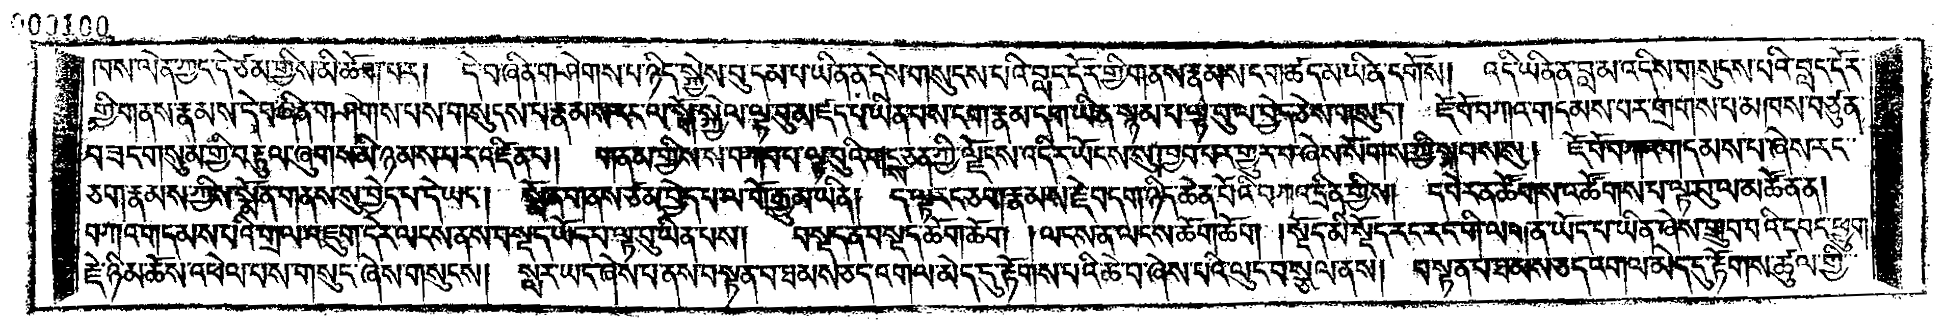ཁས་ལེན་ཀྱང་དེ་ཙམ་གྱིས་མི་ཆོག་པར། དེ་བཞིན་གཤེགས་པ་ཉིད་སྐྱེས་བུ་དམ་པ་ཡིན་ན་དེས་གསུངས་པའི་བླང་དོར་གྱི་གནས་རྣམས་ངག་ཚད་མ་ཡིན་དགོས། འདི་ཡིན་ན་བླ་མ་འདིས་གསུངས་པའི་བླང་དོར་
གྱི་གནས་རྣམས་དེ་བཞིན་གཤེགས་པས་གསུངས་པ་རྣམས་རང་ལ་སྒོ་སྐྱེལ་ལྟ་བུ་མཛད་པ་ཡིན་པས་ངག་རྣམ་དག་ཡིན་སྙམ་པ་ལྟ་བུ་ལ་བྱེད་ཅེས་གསུང་། ཇོ་བོ་བཀའ་གདམས་པར་གྲགས་པ་མཁས་བཙུན་
བཟང་གསུམ་གྱི་བརྟུལ་ཞུགས་མི་ཉམས་པར་འཛིན་པ། གནམ་གྱིས་ས་བཀབ་པ་ལྟ་བུའི་གངས་ཅན་གྱི་ལྗོངས་འདིར་ཡོངས་སུ་ཁྱབ་པར་གྱུར་བ་ཞེས་སོགས་ཀྱི་སྐབས་སུ། ཇོ་བོ་བཀའ་གདམས་པ་ཞེས་རང་
ཅག་རྣམས་ཀྱིས་སྨོན་གནས་སུ་བྱེད་པ་དེ་ཡང་། སྨོན་གནས་ཙམ་བྱེད་པ་ལ་གོ་རྒྱུ་མ་ཡིན། ད་ལྟ་རང་ཅག་རྣམས་རྗེ་བདག་ཉིད་ཆེན་པོའི་བཀའ་དྲིན་གྱིས། དཔེར་ན་ཚོགས་འཚོགས་པ་ལྟ་བུ་ལ་མཚོན་ན།
བཀའ་གདམས་པའི་གྲལ་འཇུག་དེར་ལངས་ནས་བསྡད་ཡོད་པ་ལྟ་བུ་ཡིན་པས། བསྡད་ན་བསྡད་ཆོག་ཆོག །ལངས་ན་ལངས་ཆོག་ཆོག །སྡོད་མི་སྡོད་རང་རང་གི་ལག་ན་ཡོད་པ་ཡིན་ཞེས་གྲུབ་པའི་དབང་ཕྱུག་
རྗེ་ཉི་མ་ཆོས་འཕེལ་པས་གསུང་ཞེས་གསུངས། སླར་ཡང་ཞེས་པ་ནས་བསྟན་པ་ཐམས་ཅད་འགལ་མེད་དུ་རྟོགས་པའི་ཆེ་བ་ཞེས་པའི་ལུང་བསྩལ་ནས། བསྟན་པ་ཐམས་ཅད་འགལ་མེད་དུ་རྟོགས་ཚུལ་གཡ་